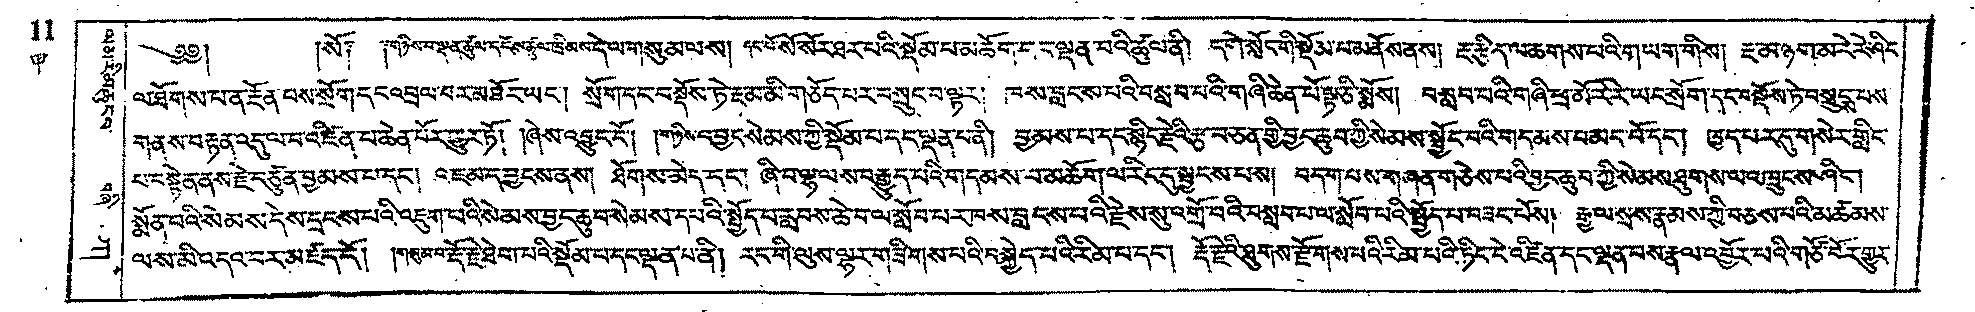༄༅། །སོ༑ ༑ གཉིས་པ་ལྡན་ཚུལ་དངོས་ཚུལ་ཁྲིམས་དེ་ལ་གསུམ་ལས། དང་པོ་སོ་སོར་ཐར་པའི་སྡོམ་པ་མཆོག་དང་ལྡན་པའི་ཚུལ་ནི། དགེ་སློང་གི་སྡོམ་པ་མནོས་ནས། རྔ་རྩིད་ལ་ཆགས་པའི་གཡག་གིས། རྔམ་ཉག་མ་རེ་རེ་ཤིང་
ལ་ཐོགས་པ་ན་རྔོན་པས་སྲོག་དང་འཕྲལ་བར་མཐོང་ཡང་། སྲོག་དང་བསྡོས་ཏེ་རྔ་མ་མི་གཅོད་པར་བསྲུང་བ་ལྟར། ཁས་བླངས་པའི་བསླབ་པའི་གཞི་ཆེན་པོ་ལྟ་ཅི་སྨོས། བསླབ་པའི་གཞི་ཕྲ་མོ་རེ་རེ་ཡང་སྲོག་དང་བསྡོས་ཏེ་བསྲུངས་པས་
གནས་བརྟན་འདུ་ལ་བ་འཛིན་པ་ཆེན་པོར་གྱུར་ཏོ། །ཞེས་འབྱུང་ངོ། །གཉིས་པ་བྱང་སེམས་ཀྱི་སྡོམ་པ་དང་ལྡན་པ་ནི། བྱམས་པ་དང་སྙིང་རྗེའི་རྩ་བ་ཅན་གྱི་བྱང་ཆུབ་ཀྱི་སེམས་སྦྱོང་བའི་གདམས་པ་མང་པོ་དང་། ཁྱད་པར་དུ་གསེར་གླིང་
པ་བསྟེན་ནས་རྗེ་བཙུན་བྱམས་པ་དང་། འཇམ་དབྱངས་ནས། ཐོགས་མེད་དང་། ཞི་བ་ལྷ་ལས་བརྒྱུད་པའི་གདམས་པ་མཆོག་ལ་རིང་དུ་སྦྱངས་པས། བདག་པས་གཞན་གཅེས་པའི་བྱང་ཆུབ་ཀྱི་སེམས་ཐུགས་ལ་འཁྲུངས་ཤིང་།
སྨོན་པའི་སེམས་དེས་དྲངས་པའི་འཇུག་པའི་སེམས་བྱང་ཆུབ་སེམས་དཔའི་སྤྱོད་པ་རླབས་ཆེ་བ་ལ་སློབ་པར་ཁས་བླངས་པའི་རྗེས་སུ་འགྲོ་བའི་བསླབ་པ་ལ་སློབ་པའི་སྤྱོད་པ་བཟང་པོས། རྒྱལ་སྲས་རྣམས་ཀྱི་བཅས་པའི་མཚམས་
ལས་མི་འདའ་བར་མཛད་དོ། །གསུམ་པ་རྡོ་རྗེ་ཐེག་པའི་སྡོམ་པ་དང་ལྡན་པ་ནི། རང་གི་ལུས་ལྷར་གཟིགས་པའི་བསྐྱེད་པའི་རིམ་པ་དང་། རྡོ་རྗེའི་ཐུགས་རྫོགས་པའི་རིམ་པའི་ཏིང་ངེ་འཛིན་དང་ལྡན་པས་རྣལ་འབྱོར་པའི་གཙོ་བོར་གྱུར་